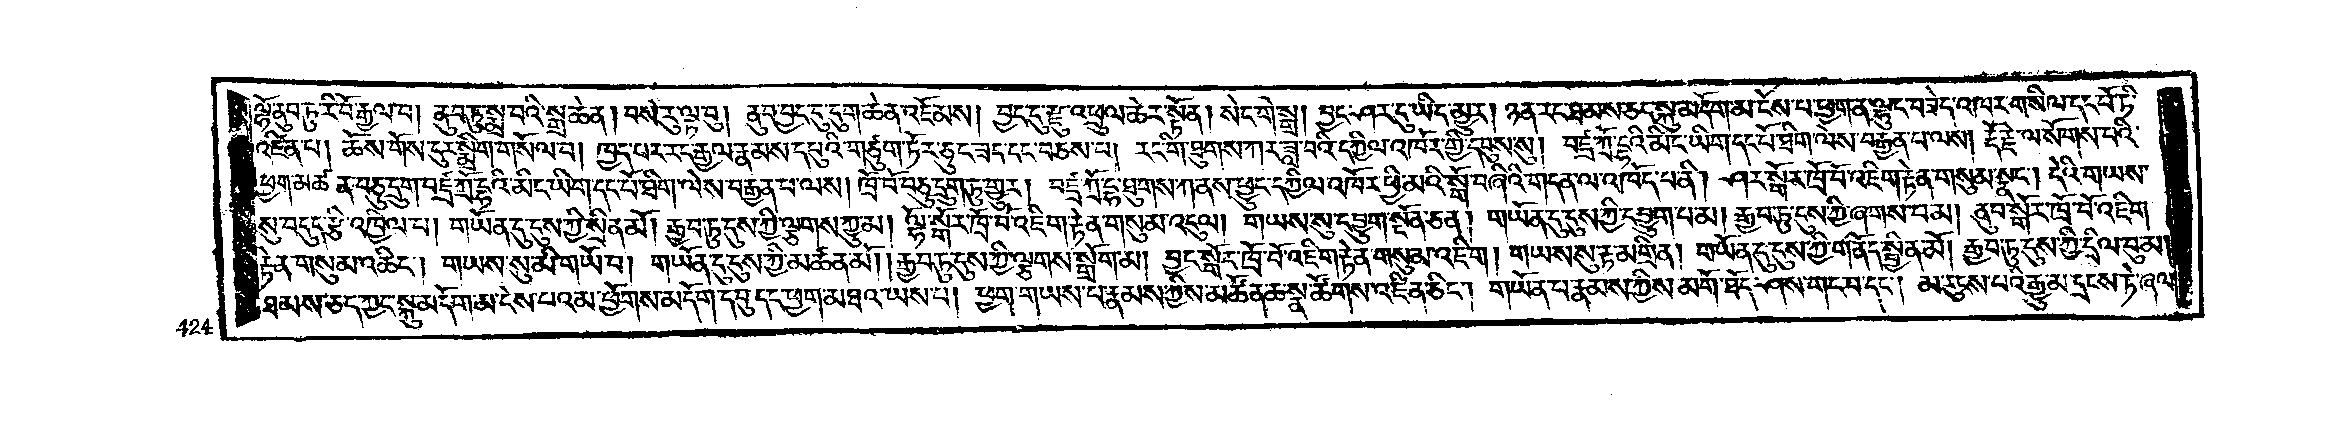ལྷོ་ནུབ་ཏུ་རི་བོ་རྒྱལ་བ། ནུབ་ཏུ་སྨྲ་བའི་སྒྲ་ཆེན། བསེ་རུ་ལྟ་བུ། ནུབ་བྱང་དུ་དུག་ཆེན་འཇོམས། བྱང་དུ་རྫུ་འཕྲུལ་ཆེར་སྟོན། སེང་གེ་སྒྲ། བྱང་ཤར་དུ་ཡིད་མྱུར། ཉན་རང་ཐམས་ཅད་སྐུ་མདོག་མ་ངེས་པ་ཕྱག་ན་ལྷུང་བཟེད་འཁར་གསིལ་དང་པོ་ཏི་
འཛིན་པ། ཆོས་གོས་ངུར་སྨྲིག་གསོལ་བ། ཁྱད་པར་རང་རྒྱལ་རྣམས་དཔུའི་གཙུག་ཏོར་ཅུང་ཟད་དང་བཅས་པ། རང་གི་ཐུགས་ཀར་ཟླ་བའི་དཀྱིལ་འཁོར་གྱི་དབུས་སུ། བཛྲ་ཀྲོ་དྷའི་མིང་ཡིག་དང་པོ་ཐིག་ལེས་བརྒྱན་པ་ལས། རྡོ་རྗེ་ལ་སོགས་པའི་
ཕྱག་མཚན་བཅུ་དྲུག་བཛྲ་ཀྲོ་དྷའི་མིང་ཡིག་དང་པོ་ཐིག་ལེས་བརྒྱན་པ་ལས། ཁྲོ་བོ་བཅུ་དྲུག་ཏུ་གྱུར། བཛྲ་ཀྲོ་དྷ་ཐུགས་ཀ་ནས་ཕྱུང་དཀྱིལ་འཁོར་ཕྱི་མའི་སྒོ་བཞིའི་གདན་ལ་འཁོད་པ་ནི། ཤར་སྒོར་ཁོར་བོ་འཇིག་རྟེན་གསུམ་སྣང་། དེའི་གཡས་
སུ་བདུད་རྩི་འཁྱིལ་པ། གཡོན་དུ་དུས་ཀྱི་སྲིན་མོ། རྒྱབ་ཏུ་དུས་ཀྱི་ལྕགས་ཀྱུ་མ། ལྷོ་སྒོར་ཁྲོ་བོ་འཇིག་རྟེན་གསུམ་འདུལ། གཡས་སུ་དབྱུག་སྔོན་ཅན། གཡོན་དུ་དུས་ཀྱི་དབྱུག་པ་མ། རྒྱབ་ཏུ་དུས་ཀྱི་ཞགས་པ་མ། ནུབ་སྒོར་ཁྲོ་བོ་འཇིག་
རྟེན་གསུམ་འཆིང་། གཡས་སུ་མི་གཡོ་བ། གཡོན་དུ་དུས་ཀྱི་མཚན་མོ། །རྒྱབ་ཏུ་དུས་ཀྱི་ལྕགས་སྒྲོག་མ། བྱང་སྒོར་ཁྲོ་བོ་འཇིག་རྟེན་གསུམ་འཇིག། གཡས་སུ་རྟ་མགྲིན། གཡོན་དུ་དུས་ཀྱི་གནོད་སྦྱིན་མོ། རྒྱབ་ཏུ་དུས་ཀྱི་དྲིལ་བུ་མ།
ཐམས་ཅད་ཀྱང་སྐུ་མདོག་མ་ངེས་པའམ་ཕྱོགས་མདོག་དབུ་དང་ཕྱག་མཐའ་ཡས་པ། ཕྱག་གཡས་པ་རྣམས་ཀྱིས་མཚོན་ཆ་སྣ་ཚོགས་འཛིན་ཅིང་། གཡོན་པ་རྣམས་ཀྱིས་མགོ་ཐོད་ཤས་གང་བ་དང་། མ་རུངས་པའི་རྒྱུ་མ་དྲངས་ཏེ་ཞལ་